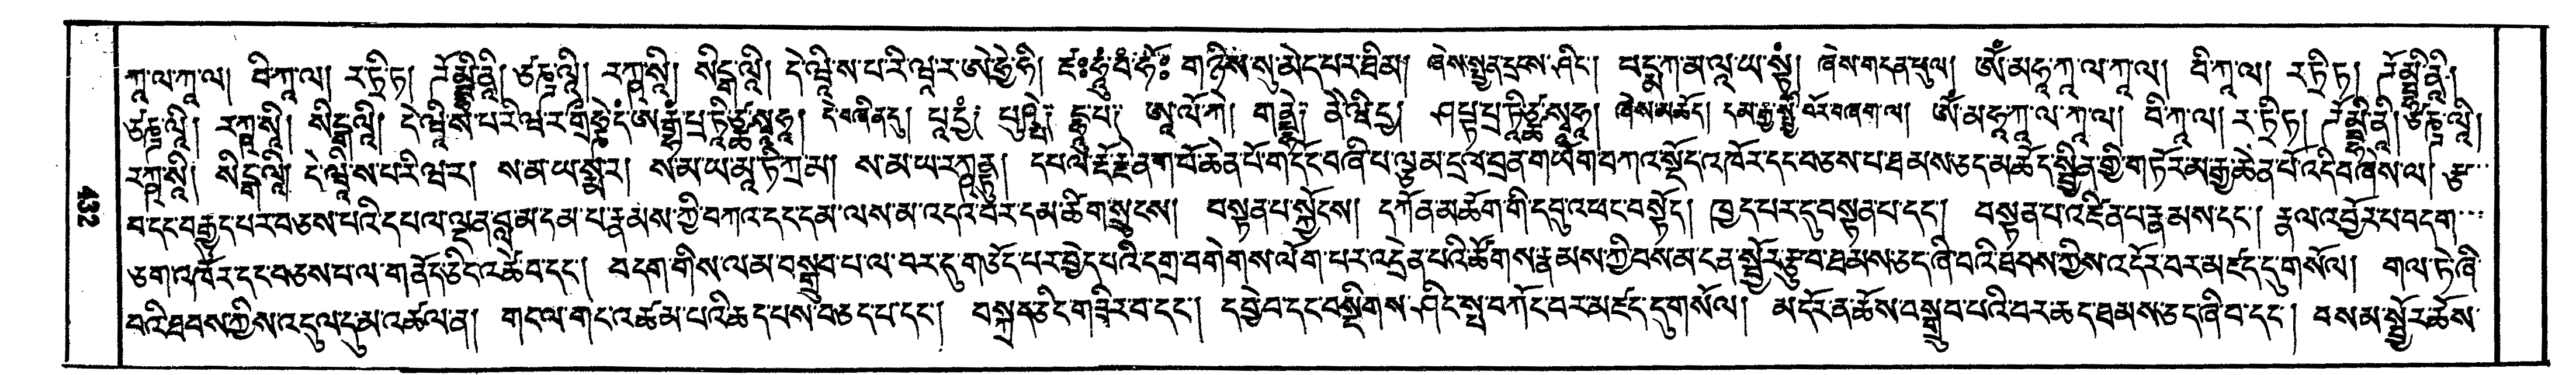ཀཱ་ལ་ཀཱ་ལ། བི་ཀཱ་ལ། ར་ཏྲི་ཏ། ཌོམྦྷི་ནཱི། ཙཎྜ་ལཱི། རཀྵ་སཱི། སིངྒ་ལཱི། དེ་ཝཱི་ས་པ་རི་ཝཱ་ར་ཨེཧྱེ་ཧི། ཛཿཧཱུཾ་བཾ་ཧོཿ གཉིས་སུ་མེད་པར་ཐིམ། ཞེས་སྤྱན་དྲངས་ཤིང་། པདམ་ཀ་མ་ལཱ་ཡ་སྟཾ། ཞེས་གདན་ཕུལ། ཨོཾ་མཧཱ་ཀཱ་ལ་ཀཱ་ལ། བི་ཀཱ་ལ། ར་ཏྲི་ཏ། ཌོམྦྷི་ནཱི།
ཙཎྜ་ལཱི། རཀྵ་སཱི། སིངྒ་ལཱི། དེ་ཝཱི་ས་པ་རི་ཝཱ་ར་གྲྀཧྞེ་དཾ་ཨརྒྷཾ་པྲ་ཏཱི་ཙྪ་སྭཱཧཱ། དེ་བཞིན་དུ། པཱ་དྱཾ༑ པུཥྤེ༑ དྷཱུ་པེ༑ ཨཱ་ལོ་ཀེ། གནྡྷེ༑ ནཻ་ཝི་དྱ། ཤཔྟ་པྲ་ཏཱིཙྪ་སྭཱ་ཧཱ། ཞེས་མཆོད། དམ་རྒྱ་སྤྱི་བོར་བཞག་ལ། ཨོཾ་མཧཱ་ཀཱ་ལ་ཀཱ་ལ། བི་ཀཱ་ལ། ར་ཏྲི་ཏ། ཌོམྦྷི་ནཱི། ཙཎྜ་ལཱི།
རཀྵ་སཱི། སིངྒ་ལཱི། དེ་ཝཱི་ས་པ་རི་ཝཱ་ར། ས་མ་ཡ་སྨ་ར། ས་མ་ཡ་མཱ་ཏི་ཀྲ་མ། ས་མ་ཡ་རཀྵནྟུ། དཔལ་རྡོ་རྗེ་ནག་པོ་ཆེན་པོ་གདོང་བཞི་པ་ལྕམ་དྲལ་བྲན་གཡོག་བཀའ་སྡོད་འཁོར་དང་བཅས་པ་ཐམས་ཅད་མཆོད་སྦྱིན་གྱི་གཏོར་མ་རྒྱ་ཆེན་པོ་འདི་བཞེས་ལ། རྩ་
བ་དང་བརྒྱུད་པར་བཅས་པའི་དཔལ་ལྡན་བླ་མ་དམ་པ་རྣམས་ཀྱི་བཀའ་དང་དམ་ལས་མ་འདའ་བར་དམ་ཚིག་སྲུངས། བསྟན་པ་སྐྱོངས། དཀོན་མཆོག་གི་དབུ་འཕང་བསྟོད། ཁྱད་པར་དུ་བསྟན་པ་དང་། བསྟན་པ་འཛིན་པ་རྣམས་དང་། རྣལ་འབྱོར་པ་བདག་
ཅག་འཁོར་དང་བཅས་པ་ལ་གནོད་ཅིང་འཚེ་བ་དང་། བདག་གིས་ལམ་བསྒྲུབ་པ་ལ་བར་དུ་གཅོད་པར་བྱེད་པའི་དགྲ་བགེགས་ལོག་པར་འདྲེན་པའི་ཚོགས་རྣམས་ཀྱི་བསམ་ངན་སྦྱོར་རྩུབ་ཐམས་ཅད་ཞི་བའི་ཐབས་ཀྱིས་འདོར་བར་མཇད་དུ་གསོལ། གལ་ཏེ་ཞི་
བའི་ཐབས་ཀྱིས་འདུལ་དུ་མ་འཚལ་ན། གང་ལ་གང་འཚམ་པའི་ཆད་པས་བཅད་བ་དང་། བསྐྲད་ཅིང་གཟིར་བ་དང་། དབྱེ་བ་དང་བསྡིགས་ཤིང་སྤ་བཀོང་བར་མཛད་དུ་གསོལ། མདོར་ན་ཆོས་བསྒྲུབ་བའི་བར་ཆད་ཐམས་ཅད་ཞི་བ་དང་། བསམ་སྦྱོར་ཆོས་